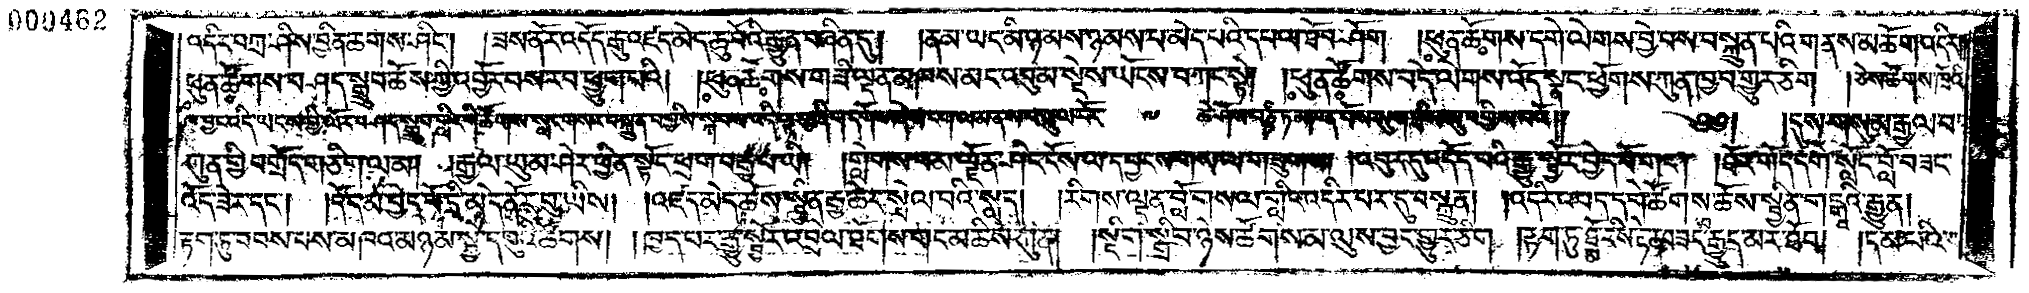འདིར་བཀྲ་ཤིས་བྱིན་ཆགས་ཤིང་། །ཟས་ནོར་འདོད་རྒུ་འཛད་མེད་ཆུ་བོའི་རྒྱུན་བཞིན་དུ། །ནམ་ཡང་མི་ཉམས་ཉམས་པ་མེད་པའི་དཔལ་ཐོབ་ཤོག །ཕུན྾་ཚོགས྾་དགེ་ལེགས་བྱེ་བས་བསྐྲུན་པའི་གནས་མཆོག་འདིར། །
ཕུན྾་ཚོགས྾་བཤད་སྒྲུབ་ཆོས་ཀྱི་འབྱོར་བས་རབ་ཕྱུག་པའི། །ཕུན྾་ཚོགས྾་གཟི་ལྡན་མཁས་མང་འབུམ་སྡེས་ཡོངས་བཀང་སྟེ། །ཕུན྾་ཚོགས྾་བདེ་ལེགས་འོད་སྣང་ཕྱོགས་ཀུན་ཁྱབ་གྱུར་ཅིག །ཅེས་ཚོགས་ཁྲོའི་
ཁ་བྱང་འདི་ཡང་ས་བྱི་ལོར་བཤད་སྒྲུབ་གླིང་གི་ཚོགས་སླང་གསར་བསྐྲུན་བགྱིས་སྐབས་འདི་ལྟ་བུ་ཞིག་དགོས་ཞེས་ངག་ལམ་ནས་བསྐུལ་རོང་༧་ཆེ་ཤོས་པཎྜི་ཏ་མཁན་པོས་སུག་བྲིས་སུ་བགྱིས་པའོ།། ༄༅། །དུས་གསུམ་རྒྱལ་བ་
ཀུན་གྱི་བགྲོད་གཅིག་ལམ། །རྒྱལ་ཡུམ་ཤེར་ཕྱིན་སྟོང་ཕྲག་བརྒྱ་པ་ཡི། །གླེགས་བམ་ལྗོན་ཤིང་ངོས་ལ་དབྱངས་གསལ་གཟུགས། །འབུར་དུ་འདོད་པའི་རྒྱུ་སྦྱོར་བྱེད་པོ་གང་། །ཐོར་གོད་དགེ་སློང་བློ་བཟང་
འོད་ཟེར་དང་། །དོ་དམ་བྱེད་པོ་དྲི་མེད་ནོར་བུ་ཡིས། །འཛད་མེད་ཆོས་སྦྱིན་རྒྱ་ཆེར་སྤེལ་བའི་སླད། །རིགས་ལྡན་བློ་གསལ་གླིང་འདིར་པར་དུ་བསྐྲུན། །འདིར་འབད་དགེ་ཚོགས་ཆོས་སྦྱིན་གངྒཱའི་རྒྱུན།
རྟག་ཏུ་བབས་པས་མཁའ་མཉམ་སྐྱེ་དགུའི་ཚོགས། །ཁྱད་པར་རྒྱུ་སྦྱོར་འབྲེལ་ཐོགས་གང་མཆིས་ཀུན། །སྡིག་སྒྲིབ་ཉེས་ཚོགས་མ་ལུས་བྱང་གྱུར་ཅིག །རྟག་ཏུ་མཐོ་རིས་རྟེན་བཟང་རྒྱུད་མར་ཐོབ། །དམ་པའི་